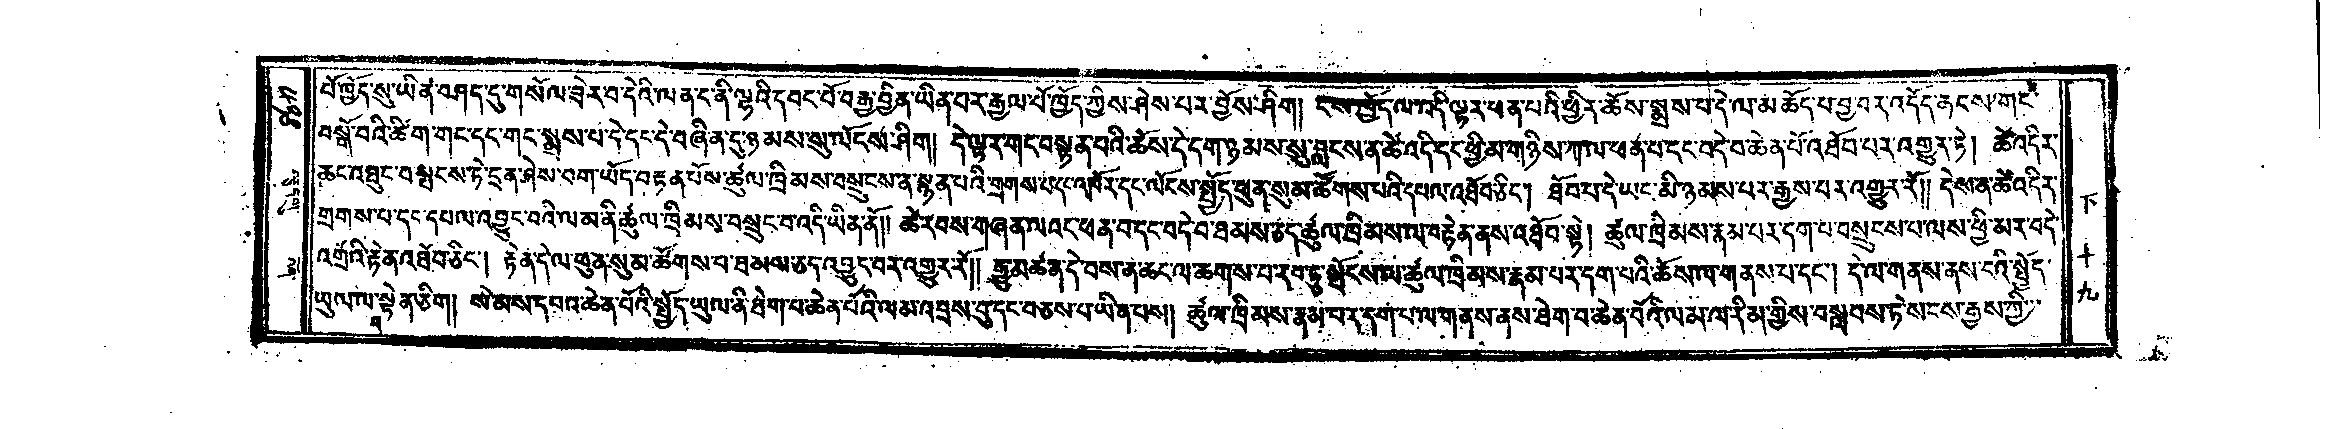པོ་ཁྱོད་སུ་ཡིན་བཤད་དུ་གསོལ་ཟེར་བ་དེའི་ལན་ང་ནི་ལྷའི་དབང་པོ་བརྒྱ་བྱིན་ཡིན་པར་རྒྱལ་པོ་ཁྱོད་ཀྱིས་ཤེས་པར་བྱོས་ཤིག། ངས་ཁྱོད་ལ་འདི་ལྟར་ཕན་པའི་ཕྱིར་ཆོས་སྨྲས་པ་དེ་ལ་མཆོད་པ་བྱ་བར་འདོད་ན་ངས་གང་
བསྒོ་བའི་ཚིག་གང་དང་གང་སྨྲས་པ་དེ་དང་དེ་བཞིན་དུ་ཉམས་སུ་ལོངས་ཤིག། དེ་ལྟར་གང་བསྟན་པའི་ཆོས་དེ་དག་ཉམས་སུ་བླངས་ན་ཚེ་འདི་དང་ཕྱི་མ་གཉིས་ཀ་ལ་ཕན་པ་དང་བདེ་བ་ཆེན་པོ་འཐོབ་པར་འགྱུར་ཏེ། ཚེ་འདིར་
ཆང་འཐུང་བ་སྤངས་ཏེ་དྲན་ཤེས་བག་ཡོད་བརྟན་པོས་ཚུལ་ཁྲིམས་བསྲུངས་ན་སྙན་པའི་གྲགས་པ་དང་འཁོར་དང་ལོངས་སྤྱོད་ཕུན་སུམ་ཚོགས་པའི་དཔལ་འཐོབ་ཅིང་། ཐོབ་པ་དེ་ཡང་མི་ཉམས་པར་རྒྱས་པར་འགྱུར་རོ།། དེས་ན་ཚེ་འདིར་
གྲགས་པ་དང་དཔལ་འབྱུང་བའི་ལམ་ནི་ཚུལ་ཁྲིམས་བསྲུང་བ་འདི་ཡིན་ནོ།། ཚེ་རབས་གཞན་ལའང་ཕན་པ་དང་བདེ་བ་ཐམས་ཅད་ཚུལ་ཁྲིམས་ལ་བརྟེན་ནས་འཐོབ་སྟེ། ཚུལ་ཁྲིམས་རྣམ་པར་དག་པ་བསྲུངས་པ་ལས་ཕྱི་མར་བདེ་
འགྲོའི་རྟེན་འཐོབ་ཅིང་། རྟེན་དེ་ལ་ཕུན་སུམ་ཚོགས་པ་ཐམས་ཅད་འབྱུང་བར་འགྱུར་རོ།། རྒྱུ་མཚན་དེ་བས་ན་ཆང་ལ་ཆགས་པ་རབ་ཏུ་སྤོངས་ལ་ཚུལ་ཁྲིམས་རྣམ་པར་དག་པའི་ཆོས་ལ་གནས་པ་དང་། དེ་ལ་གནས་ནས་ངའི་སྤྱོད་
ཡུལ་ལ་བསྟེན་ཅིག། སེམས་དཔའ་ཆེན་པོའི་སྤྱོད་ཡུལ་ནི་ཐེག་པ་ཆེན་པོའི་ལམ་འབྲས་བུ་དང་བཅས་པ་ཡིན་པས། ཚུལ་ཁྲིམས་རྣམ་པར་དག་པ་ལ་གནས་ནས་ཐེག་པ་ཆེན་པོའི་ལམ་ལ་རིམ་གྱིས་བསླབས་ཏེ་སངས་རྒྱས་ཀྱི་